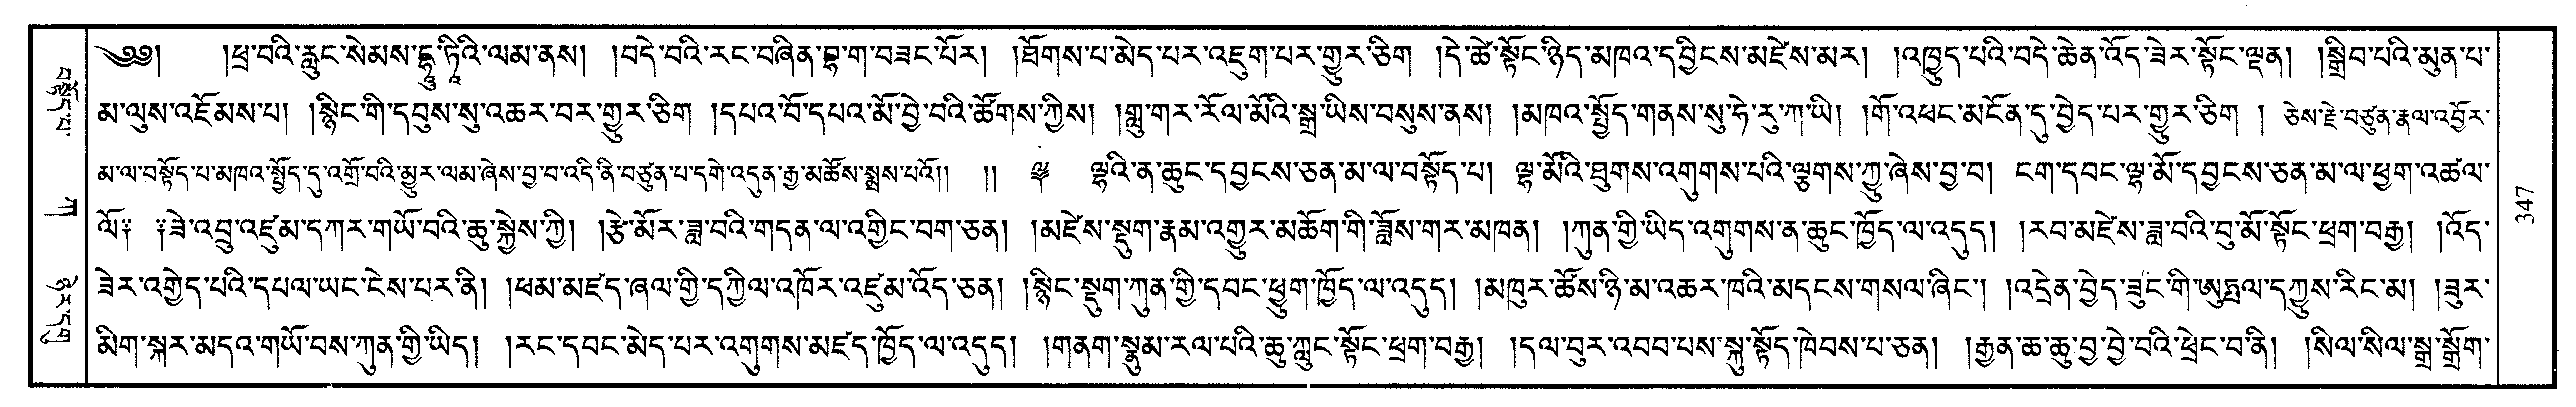༄༅། །ཕྲ་བའི་རླུང་སེམས་དྷཱུ་ཏཱིའི་ལམ་ནས། །བདེ་བའི་རང་བཞིན་བྷ་ག་བཟང་པོར། །ཐོགས་པ་མེད་པར་འཇུག་པར་གྱུར་ཅིག །དེ་ཚེ་སྟོང་ཉིད་མཁའ་དབྱིངས་མཛེས་མར། །འཁྱུད་པའི་བདེ་ཆེན་འོད་ཟེར་སྟོང་ལྡན། །སྒྲིབ་པའི་མུན་པ་
མ་ལུས་འཇོམས་པ། །སྙིང་གི་དབུས་སུ་འཆར་བར་གྱུར་ཅིག །དཔའ་བོ་དཔའ་མོ་བྱེ་བའི་ཚོགས་ཀྱིས། །གླུ་གར་རོལ་མོའི་སྒྲ་ཡིས་བསུས་ནས། །མཁའ་སྤྱོད་གནས་སུ་ཧེ་རུ་ཀ་ཡི། །གོ་འཕང་མངོན་དུ་བྱེད་པར་གྱུར་ཅིག །ཅེས་རྗེ་བཙུན་རྣལ་འབྱོར་
མ་ལ་བསྟོད་པ་མཁའ་སྤྱོད་དུ་འགྲོ་བའི་མྱུར་ལམ་ཞེས་བྱ་བ་འདི་ནི་བཙུན་པ་དགེ་འདུན་རྒྱ་མཚོས་སྨྲས་པའོ།། །། ༈ ལྷའི་ན་ཆུང་དབྱངས་ཅན་མ་ལ་བསྟོད་པ། ལྷ་མོའི་ཐུགས་འགུགས་པའི་ལྕགས་ཀྱུ་ཞེས་བྱ་བ། །ངག་དབང་ལྷ་མོ་དབྱངས་ཅན་མ་ལ་ཕྱག་འཚལ་
ལོ༑ ༑ཟེ་འབྲུ་འཛུམ་དཀར་གཡོ་བའི་ཆུ་སྐྱེས་ཀྱི། །རྩེ་མོར་ཟླ་བའི་གདན་ལ་འགྱིང་བག་ཅན། །མཛེས་སྡུག་རྣམ་འགྱུར་མཆོག་གི་ཟློས་གར་མཁན། །ཀུན་གྱི་ཡིད་འགུགས་ན་ཆུང་ཁྱོད་ལ་འདུད། །རབ་མཛེས་ཟླ་བའི་བུ་མོ་སྟོང་ཕྲག་བརྒྱ། །འོད་
ཟེར་འགྱེད་པའི་དཔལ་ཡང་ངེས་པར་ནི། །ཕམ་མཛད་ཞལ་གྱི་དཀྱིལ་འཁོར་འཛུམ་འོད་ཅན། །སྙིང་སྡུག་ཀུན་གྱི་དབང་ཕྱུག་ཁྱོད་ལ་འདུད། །མཁུར་ཚོས་ཉི་མ་འཆར་ཁའི་མདངས་གསལ་ཞིང་། །འདྲེན་བྱེད་ཟུང་གི་ཨུཏྤལ་དཀྱུས་རིང་མ། །ཟུར་
མིག་སྐར་མདའ་གཡོ་བས་ཀུན་གྱི་ཡིད། །རང་དབང་མེད་པར་འགུགས་མཛད་ཁྱོད་ལ་འདུད། །གནག་སྣུམ་རལ་པའི་ཆུ་ཀླུང་སྟོང་ཕྲག་བརྒྱ། །དལ་བུར་འབབ་པས་སྐུ་སྟོད་ཁེབས་པ་ཅན། །རྒྱན་ཆ་ཆུ་བྱ་བྱེ་བའི་ཕྲེང་བ་ནི། །སིལ་སིལ་སྒྲ་སྒྲོག་